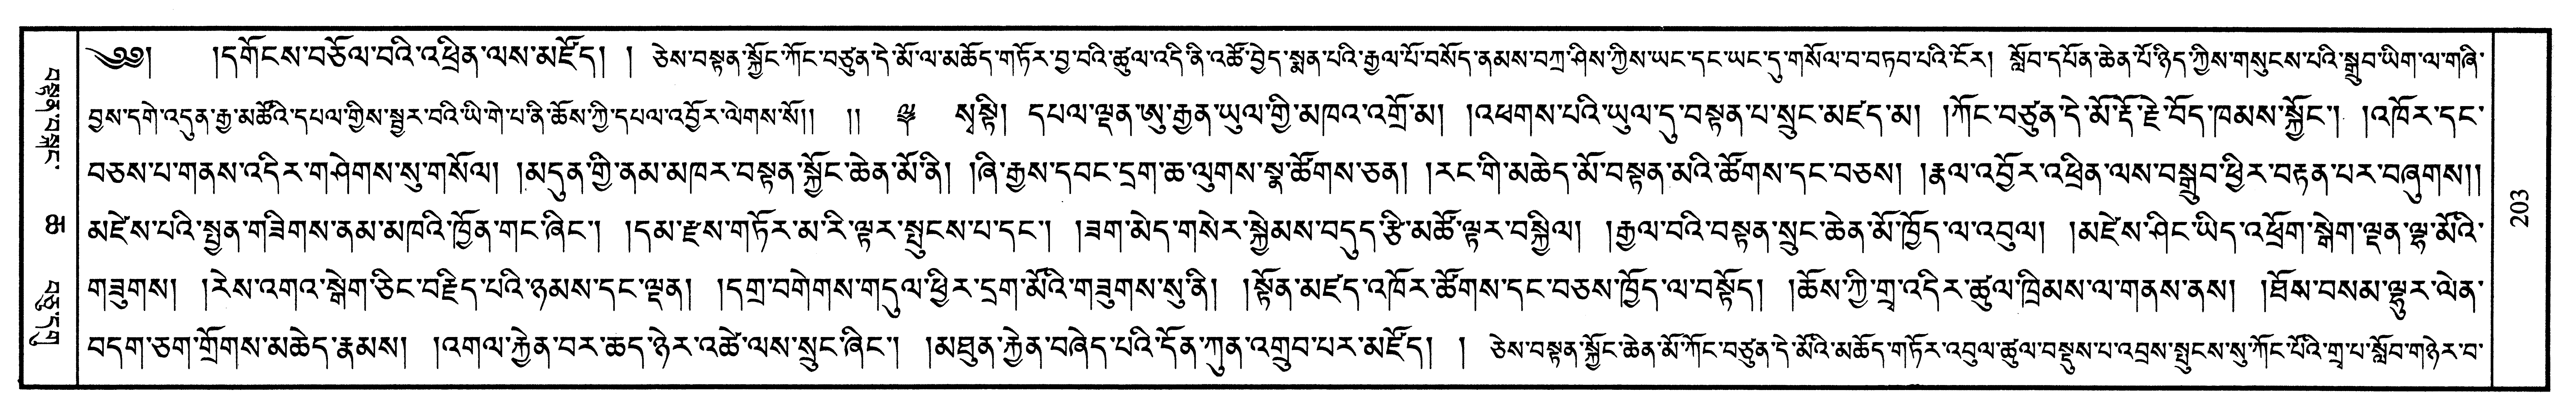༄༅། །དགོངས་བཅོལ་བའི་འཕྲིན་ལས་མཛོད། །ཅེས་བསྟན་སྐྱོང་ཀོང་བཙུན་དེ་མོ་ལ་མཆོད་གཏོར་བྱ་བའི་ཚུལ་འདི་ནི་འཚོ་བྱེད་སྨན་པའི་རྒྱལ་པོ་བསོད་ནམས་བཀྲ་ཤིས་ཀྱིས་ཡང་དང་ཡང་དུ་གསོལ་བ་བཏབ་པའི་ངོར། སློབ་དཔོན་ཆེན་པོ་ཉིད་ཀྱིས་གསུངས་པའི་སྒྲུབ་ཡིག་ལ་གཞི་
བྱས་དགེ་འདུན་རྒྱ་མཚོའི་དཔལ་གྱིས་སྦྱར་བའི་ཡི་གེ་པ་ནི་ཆོས་ཀྱི་དཔལ་འབྱོར་ལེགས་སོ།། །། ༈ སྭསྟི། དཔལ་ལྡན་ཨུ་རྒྱན་ཡུལ་གྱི་མཁའ་འགྲོ་མ། །འཕགས་པའི་ཡུལ་དུ་བསྟན་པ་སྲུང་མཛད་མ། །ཀོང་བཙུན་དེ་མོ་རྡོ་རྗེ་བོད་ཁམས་སྐྱོང་། །འཁོར་དང་
བཅས་པ་གནས་འདིར་གཤེགས་སུ་གསོལ། །མདུན་གྱི་ནམ་མཁར་བསྟན་སྐྱོང་ཆེན་མོ་ནི། །ཞི་རྒྱས་དབང་དྲག་ཆ་ལུགས་སྣ་ཚོགས་ཅན། །རང་གི་མཆེད་མོ་བསྟན་མའི་ཚོགས་དང་བཅས། །རྣལ་འབྱོར་འཕྲིན་ལས་བསྒྲུབ་ཕྱིར་བརྟན་པར་བཞུགས།།
མཛེས་པའི་སྤྱན་གཟིགས་ནམ་མཁའི་ཁྱོན་གང་ཞིང་། །དམ་རྫས་གཏོར་མ་རི་ལྟར་སྤུངས་པ་དང་། །ཟག་མེད་གསེར་སྐྱེམས་བདུད་རྩི་མཚོ་ལྟར་བསྐྱིལ། །རྒྱལ་བའི་བསྟན་སྲུང་ཆེན་མོ་ཁྱོད་ལ་འབུལ། །མཛེས་ཤིང་ཡིད་འཕྲོག་སྒེག་ལྡན་ལྷ་མོའི་
གཟུགས། །རེས་འགའ་སྒེག་ཅིང་བརྗིད་པའི་ཉམས་དང་ལྡན། །དགྲ་བགེགས་གདུལ་ཕྱིར་དྲག་མོའི་གཟུགས་སུ་ནི། །སྟོན་མཛད་འཁོར་ཚོགས་དང་བཅས་ཁྱོད་ལ་བསྟོད། །ཆོས་ཀྱི་གྲྭ་འདིར་ཚུལ་ཁྲིམས་ལ་གནས་ནས། །ཐོས་བསམ་ལྷུར་ལེན་
བདག་ཅག་གྲོགས་མཆེད་རྣམས། །འགལ་རྐྱེན་བར་ཆད་ཉེར་འཚེ་ལས་སྲུང་ཞིང་། །མཐུན་རྐྱེན་བཞེད་པའི་དོན་ཀུན་འགྲུབ་པར་མཛོད། །ཅེས་བསྟན་སྐྱོང་ཆེན་མོ་ཀོང་བཙུན་དེ་མོའི་མཆོད་གཏོར་འབུལ་ཚུལ་བསྡུས་པ་འབྲས་སྤུངས་སུ་ཀོང་པོའི་གྲྭ་པ་སློབ་གཉེར་བ་